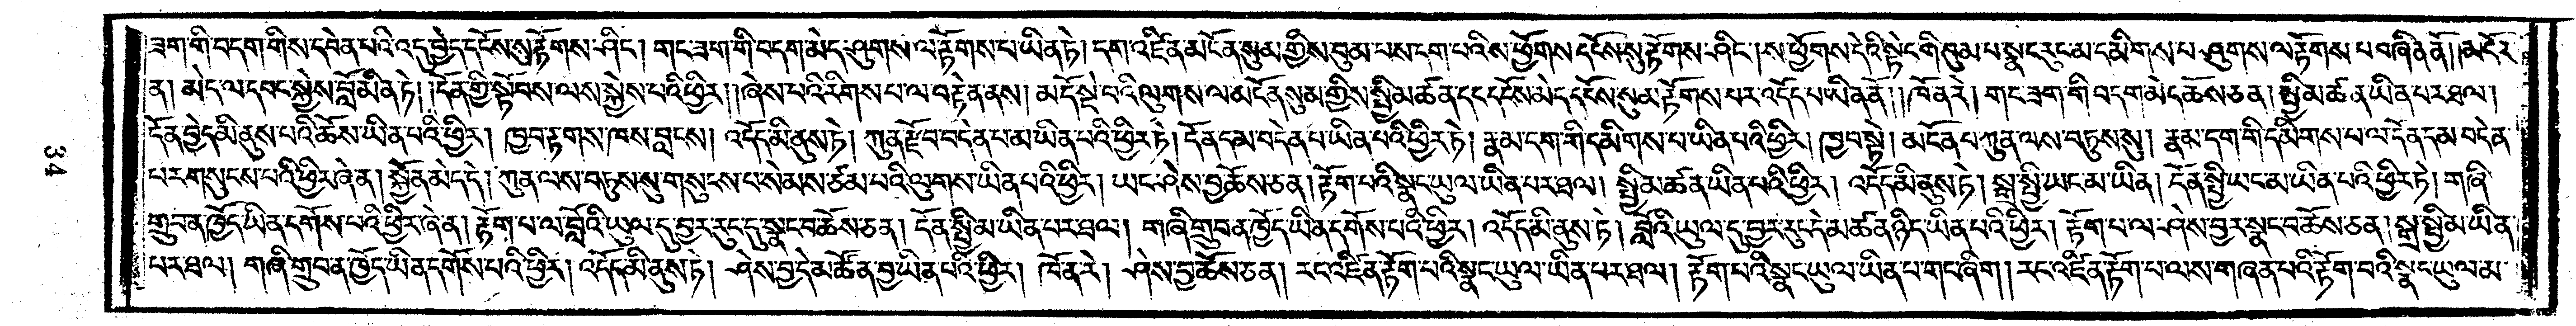ཟག་གི་བདག་གིས་དབེན་པའི་འདུ་བྱེད་དངོས་སུ་རྟོགས་ཤིང་། གང་ཟག་གི་བདག་མེད་ཤུགས་ལ་རྟོགས་པ་ཡིན་ཏེ། དག་འཛིན་མངོན་སུམ་གྱིས་བུམ་པས་དག་པའི་ས་ཕྱོགས་དངོས་སུ་རྟོགས་ཤིང་། ས་ཕྱོགས་དེའི་སྟེང་གི་བུམ་པ་སྣང་རུང་མ་དམིགས་པ་ཤུགས་ལ་རྟོགས་པ་བཞིན་ནོ། །མདོར་
ན༑ མེད་ལ་དབང་སྐྱེས་བློ་མིན་ཏེ། །དོན་གྱི་སྟོབས་ལས་སྐྱེས་པའི་ཕྱིར། །ཞེས་པའི་རིགས་པ་ལ་བརྟེན་ནས། མདོ་སྡེ་པའི་ལུགས་ལ་མངོན་སུམ་གྱིས་སྤྱི་མཚན་དང་དངོས་མེད་དངོས་སུ་མ་རྟོགས་པར་འདོད་པ་ཡིན་ནོ། །ཁོ་ན་རེ། གང་ཟག་གི་བདག་མེད་ཆོས་ཅན། སྤྱི་མཚན་ཡིན་པར་ཐལ།
དོན་བྱེད་མི་ནུས་པའི་ཆོས་ཡིན་པའི་ཕྱིར། ཁྱབ་རྟགས་ཁས་བླངས། འདོད་མི་ནུས་ཏེ། ཀུན་རྫོབ་བདེན་པ་མ་ཡིན་པའི་ཕྱིར་ཏེ། དོན་དམ་བདེན་པ་ཡིན་པའི་ཕྱིར་ཏེ། རྣམ་དག་གི་དམིགས་པ་ཡིན་པའི་ཕྱིར། ཁྱབ་སྟེ། མངོན་པ་ཀུན་ལས་བཏུས་སུ། རྣམ་དག་གི་དམིགས་པ་ལ་དོན་དམ་བདེན་
པར་གསུངས་པའི་ཕྱིར་ཞེ་ན། སྐྱོན་མེད་དེ། ཀུན་ལས་བཏུས་སུ་གསུངས་པ་སེམས་ཙམ་པའི་ལུགས་ཡིན་པའི་ཕྱིར། ཡང་ཤེས་བྱ་ཆོས་ཅན། རྟོག་པའི་སྣང་ཡུལ་ཡིན་པར་ཐལ། སྤྱི་མཚན་ཡིན་པའི་ཕྱིར། འདོད་མི་ནུས་ཏེ། སྒྲ་སྤྱི་ཡང་མ་ཡིན། དོན་སྤྱི་ཡང་མ་ཡིན་པའི་ཕྱིར་ཏེ། གཞི་
གྲུབ་ན་ཁྱོད་ཡིན་དགོས་པའི་ཕྱིར་ཞེ་ན། རྟོག་པ་ལ་བློའི་ཡུལ་དུ་བྱར་རུང་དུ་སྣང་བ་ཆོས་ཅན། དོན་སྤྱི་མ་ཡིན་པར་ཐལ། གཞི་གྲུབ་ན་ཁྱོད་ཡིན་དགོས་པའི་ཕྱིར། འདོད་མི་ནུས་ཏེ། བློའི་ཡུལ་དུ་བྱར་རུང་དེ་མཚན་ཉིད་ཡིན་པའི་ཕྱིར། རྟོག་པ་ལ་ཤེས་བྱར་སྣང་བ་ཆོས་ཅན། སྒྲ་སྤྱི་མ་ཡིན་
པར་ཐལ། གཞི་གྲུབ་ན་ཁྱོད་ཡིན་དགོས་པའི་ཕྱིར། འདོད་མི་ནུས་ཏེ། ཤེས་བྱ་དེ་མཚོན་བྱ་ཡིན་པའི་ཕྱིར། ཁོ་ན་རེ། ཤེས་བྱ་ཆོས་ཅན། རང་འཛིན་རྟོག་པའི་སྣང་ཡུལ་ཡིན་པར་ཐལ། རྟོག་པའི་སྣང་ཡུལ་ཡིན་པ་གང་ཞིག །རང་འཛིན་རྟོག་པ་ལས་གཞན་པའི་རྟོག་པའི་སྣང་ཡུལ་མ་